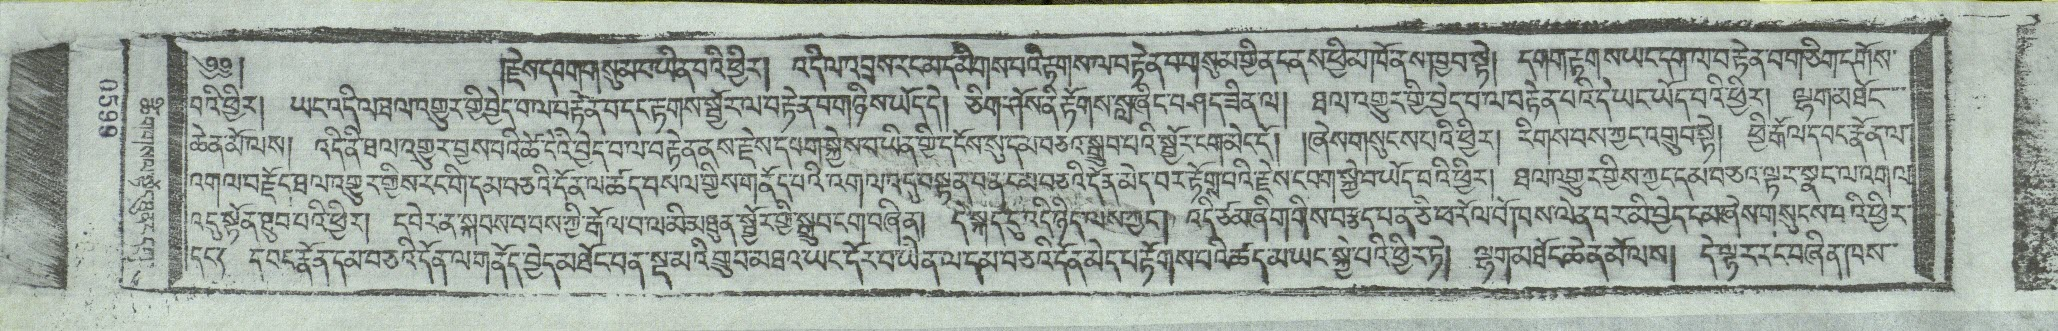༄༅། །རྗེས་དཔག་གསུམ་པ་ཡིན་པའི་ཕྱིར། འདི་ལ་འབྲས་རང་མ་དམིགས་པའི་རྟགས་ལ་བརྟེན་པ་གསུམ་གྱི་ནང་ནས་ཕྱི་མ་ཁོ་ནས་ཁྱབ་སྟེ། དགག་རྟགས་ཡང་དག་ལ་བརྟེན་པ་གཅིག་དགོས་
པའི་ཕྱིར། ཡང་འདི་ལ་ཐལ་འགྱུར་གྱི་བྱེད་པ་ལ་བརྟེན་པ་དང་རྟགས་སྦྱོར་ལ་བརྟེན་པ་གཉིས་ཡོད་དེ། ཅིག་ཤོས་ནི་རྟོགས་སླ་ཞིང་བཤད་ཟིན་ལ། ཐལ་འགྱུར་གྱི་བྱེད་པ་ལ་བརྟེན་པའི་དེ་ཡང་ཡོད་པའི་ཕྱིར། ལྷག་མཐོང་
ཆེན་མོ་ལས། འདི་ནི་ཐལ་འགྱུར་བྱས་པའི་ཚེ་དེའི་བྱེད་པ་ལ་བརྟེན་ནས་རྗེས་དཔག་སྐྱེས་བ་ཡིན་གྱི་དངོས་སུ་དམ་བཅའ་སྒྲུབ་པའི་སྦྱོར་ངག་མེད་དོ། །ཞེས་གསུངས་པའི་ཕྱིར། རིགས་པས་ཀྱང་འགྲུབ་སྟེ། ཕྱི་རྒོལ་དབང་རྣོན་ལ་
འགལ་བརྗོད་ཐལ་འགྱུར་གྱིས་རང་གི་དམ་བཅའི་དོན་ལ་ཚད་བསལ་གྱིས་གནོད་པའི་འགལ་འདུ་བསྟན་པ་ན་དམ་བཅའི་དོན་མེད་པར་རྟོགས་པའི་རྗེས་དཔག་སྐྱེ་བ་ཡོད་པའི་ཕྱིར། ཐལ་འགྱུར་གྱིས་ཀྱང་དམ་བཅའ་ལྟར་སྣང་ལ་འགལ་
འདུ་སྟོན་ཐུབ་པའི་ཕྱིར། དཔེར་ན་སྐབས་བབས་ཀྱི་རྒོལ་བ་ལ་མི་མཐུན་སྦྱོར་གྱི་སྒྲུབ་ངག་བཞིན། དེ་སྐད་དུ་འདི་ཉིད་ལས་ཀྱང་། འདི་ཙམ་ཞིག་གིས་བརྩད་པ་ན་ཅི་ཕ་རོལ་པོ་ཁས་ལེན་པར་མི་བྱེད་ངམ་ཞེས་གསུངས་པའི་ཕྱིར་
དང༑ དབང་རྣོན་དམ་བཅའི་དོན་ལ་གནོད་བྱེད་མཐོང་བ་ན་སྔ་མའི་གྲུབ་མཐའ་ཡང་དོར་བ་ཡིན་ལ་དམ་བཅའི་དོན་མེད་པ་རྟོགས་པའི་ཚད་མ་ཡང་སྐྱེ་བའི་ཕྱིར་ཏེ། ལྷག་མཐོང་ཆེན་མོ་ལས། དེ་ལྟར་རང་བཞིན་ཁས་